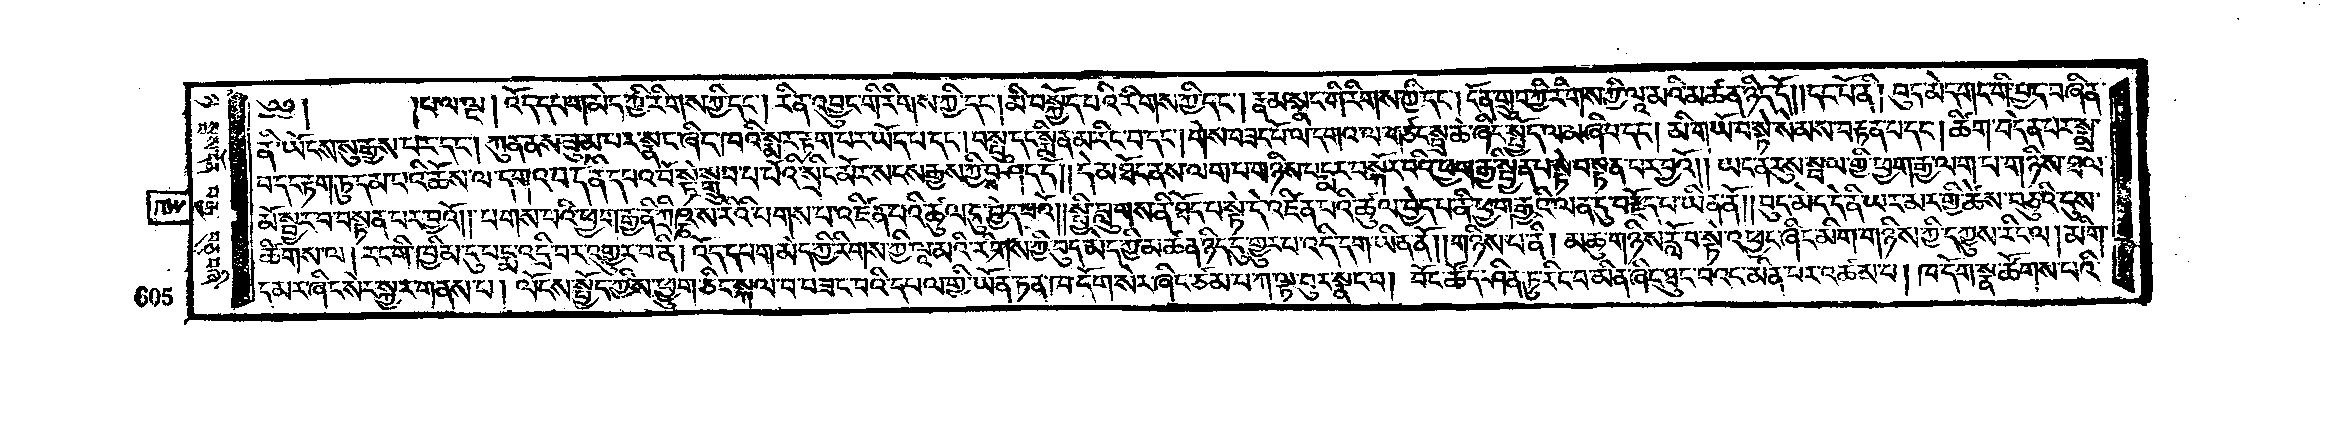༄༅། །པ་ལ་ལྔ། འོད་དཔག་མེད་ཀྱི་རིགས་ཀྱི་དང་། རིན་འབྱུང་གི་རིགས་ཀྱི་དང་། མི་བསྐྱོད་པའི་རིགས་ཀྱི་དང་། རྣམ་སྣང་གི་རིགས་ཀྱི་དང་། དོན་གྲུབ་ཀྱི་རིགས་ཀྱི་ལཱ་མའི་མཚན་ཉིད་དོ། །དང་པོ་ནི། བུད་མེད་གང་གི་བྱེད་བཞིན་
ནི་ཡོངས་སུ་རྒྱས་པར་དང་། ཀུན་ནས་ཟུམ་པར་སྣང་ཞིང་ཁའི་སྨར་རྟག་པར་ཡོད་པ་དང་། བ་སྤུ་དང་སྨིན་མ་རིང་བ་དང་། གེས་བཟང་པོ་ལ་དགའ་ལ་གཙང་སྦྲ་ཆེ་ཞིང་སྤྱོད་ལམ་ཞིབ་དང་། མི་གཡོ་བ་སྟེ་སེམས་བརྟན་པ་དང་། ཚིག་བདེན་པར་སྨྲ་
བ་དང་རྟག་ཏུ་དམ་པའི་ཆོས་ལ་དགའ་བ་དེ་ནི་དཔའ་བོ་སྟེ་སྒྲུབ་པ་པོའི་སྲིང་མོར་སངས་རྒྱས་ཀྱིས་བཤད་དོ། །དེ་མཐོང་ནས་ལག་པ་གཉིས་པདམར་བསྐོར་བའི་ཕྱག་རྒྱ་སྦྱིན་པ་སྟེ་བསྟན་པར་བྱའོ། །ཡང་ན་རུས་སྦལ་གྱི་ཕྱག་རྒྱ་ལག་པ་གཉིས་ཐལ་
མོ་སྦྱར་བ་བསྟན་པར་བྱའོ། །པགས་པའི་ཕྱག་རྒྱ་ནི་ཀྲིཥྞ་ས་རིའི་པགས་པ་འཛིན་པའི་ཚུལ་དུ་བྱེད་པའོ། །སྤྱི་བླུགས་ནི་ཐོད་པ་སྟེ་དེ་འཛིན་པའི་ཚུལ་བྱེད་པ་ནི་ཕྱག་རྒྱའི་ལན་དུ་བརྗོད་པ་ཡིན་ནོ། །བུད་མེད་དེ་ནི་ཡར་མར་གྱི་ཚེས་བཅུའི་དུས་
ཚིགས་ལ། རང་གི་ཁྱིམ་དུ་པདམ་འདྲི་བར་འགྱུར་བ་ནི། འོད་དཔག་མེད་ཀྱི་རིགས་ཀྱི་ལཱ་མའི་རིགས་ཀྱི་བུད་མེད་ཀྱི་མཚན་ཉིད་དུ་གྱུར་པ་འདི་དག་ཡིན་ནོ། །གཉིས་པ་ནི། མཆུ་གཉིས་རློ་བ་སྟེ་འཕྱང་ཞིང་མིག་གཉིས་ཀྱི་དཀྱུས་རིང་ལ། མིག་
དམར་ཞིང་སེར་སྐྱར་གནས་པ། ལོངས་སྤྱོད་ཀྱིས་ཕྱུག་ཅིང་སྐལ་བ་བཟང་བའི་དཔལ་གྱི་ཡོན་ཏན་ཁ་དོག་སེར་ཞིང་ཙམ་པ་ཀ་ལྟ་བུར་སྣང་བ། བོང་ཚོད་ཤིན་ཏུ་རིང་བ་མིན་ཞིང་ཐུང་བའང་མིན་པར་འཚམ་པ། ཁ་དོག་སྣ་ཚོགས་པའི་